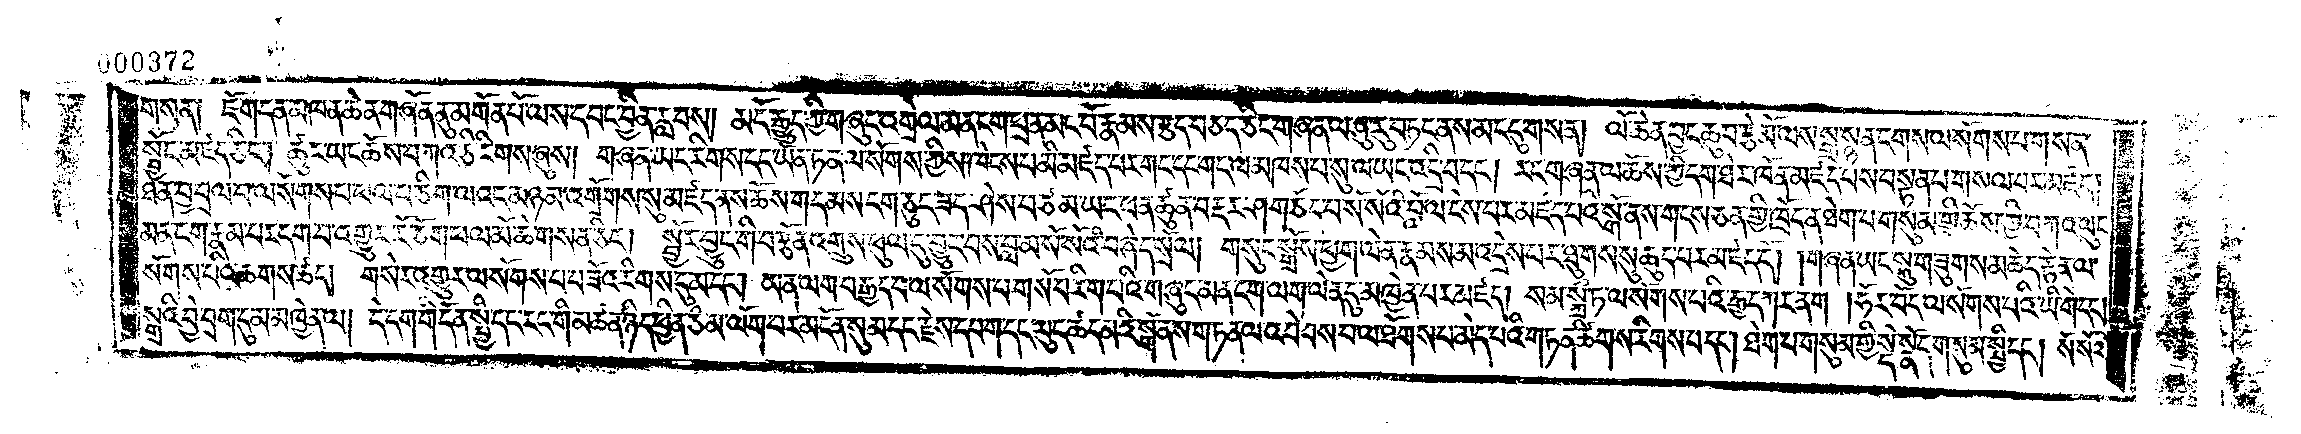གསན། ཇོ་གདན་མཁན་ཆེན་གཞོན་ནུ་མགོན་པོ་ལས་དབང་བྱིན་རླབས། མདོ་རྒྱུད་ཀྱི་གཞུང་འགྲེལ་མན་ངག་ཕྲན་མང་པོ་རྣམས་རྩད་བཅད་ཅིང་གཞན་ལ་ཞུ་རུ་བཏང་ནས་མང་དུ་གསན། ལོ་ཆེན་བྱང་ཆུབ་རྩེ་མོ་ལས་སྒྲ་སྙན་ངགས་ལ་སོགས་པ་གསན་
སྦྱོང་མཛད་ཅིང་། ཚུར་ཡང་ཆོས་བཀའ་ཅི་རིགས་ཞུས། གཞན་ཡང་རིགས་དང་ཡོན་ཏན་ལ་སོགས་ཀྱིས་ཁེངས་པ་མི་མཛད་པར་གང་དང་གང་ལ་མཁས་པ་སུ་ལ་ཡང་འདྲི་བ་དང་། རང་གཞན་ལ་ཆོས་ཀྱི་དག་ཐེར་ཁོན་མཛད་པས་བསྟན་པ་གསལ་བར་མཛད།
ཐོན་བྱ་བྲལ་བ་ལ་སོགས་པ་ཕལ་པ་ཅིག་ལའང་མཉམ་འགྲོགས་སུ་མཛད་ནས་ཆོས་གདམས་ངག་ཅུང་ཟད་ཤེས་པ་ཙམ་ཡང་ཕན་ཚུན་བརྡར་ཤ་གཅོད་པ་སོ་སོའི་བློ་ལ་ངེས་པར་མཛད་པའི་སྒོ་ནས་གངས་ཅན་གྱི་ཁྲོད་ན་ཐེག་པ་གསུམ་གྱི་ཆོས་ཀྱི་བཀའ་ལུང་
མན་ངག་རྣམ་པར་དག་བ་འགྱུར་རོ་ཅོག་ཕལ་མོ་ཆེ་གསན་ཅིང་། སྦྱོར་བྱུང་གི་བརྩོན་འགྲུས་ཕུལ་དུ་བྱུང་བས་བླ་མ་སོ་སོའི་བཞེད་སྲོལ། གསུང་སྒྲོས་ཕྱག་ལེན་རྣམས་མ་འདྲེས་པར་ཐུགས་སུ་ཆུད་པར་མཛད་དོ། །གཞན་ཡང་སྐུ་གཟུགས་མཆེད་རྟེན་ལ་
སོགས་པའི་ཆགས་ཚད། གསེར་འགྱུར་ལ་སོགས་པ་བཟོའི་རིགས་དུ་མ་དང་། ཡན་ལག་བརྒྱད་པ་ལ་སོགས་པ་གསོ་བ་རིག་པའི་གཞུང་མན་ངག་ལག་ལེན་དུ་མཁྱེན་པར་མཛད། སམ་སྐྲྀ་ཏ་ལ་སོགས་པའི་རྒྱ་དཀར་ནག །ཧོར་བོད་ལ་སོགས་པའི་ཡི་གེ་དང་།
སྒྲའི་བྱེ་བྲག་དུ་མ་མཁྱེན་ལ། དེ་དག་གི་དོན་སྤྱི་དང་རང་གི་མཚན་ཉིད་ཕྱིན་ཙམ་ལོག་པར་མངོན་སུམ་དང་རྗེས་དཔག་དང་ལུད་ཚད་མའི་སྒོ་ནས་གཏན་ལ་འབེབས་པ་ལ་ཐོགས་པ་མེད་པའི་གཏན་ཚིགས་རིགས་བ་དང་། ཐེག་པ་གསུམ་གྱི་སྡེ་སྣོད་གསུམ་སྤྱི་དང་། སོ་སོའི་